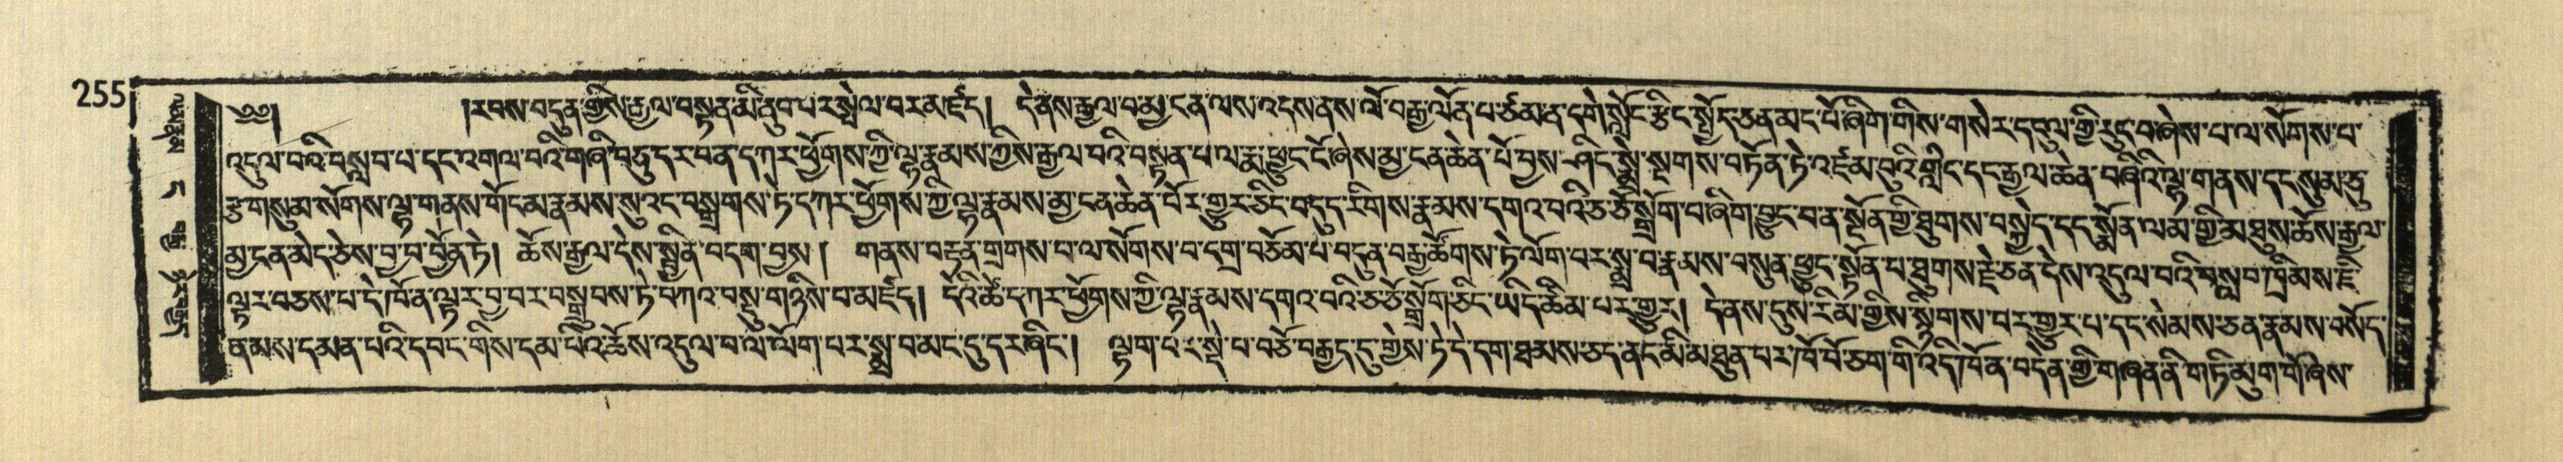༄༅། །རབས་བདུན་གྱིས་རྒྱལ་བསྟན་མི་ནུབ་པར་སྤེལ་བར་མཛད། དེ་ནས་རྒྱལ་བ་མྱ་ངན་ལས་འདས་ནས་ལོ་བརྒྱ་ལོན་པ་ཙམ་ན་དགེ་སློང་རྩིང་སྤྱོད་ཅན་མང་པོ་ཞིག་གིས་གསེར་དངུལ་གྱི་རུང་བ་ཞེས་པ་ལ་སོགས་པ་
འདུལ་བའི་བསླབ་པ་དང་འགལ་བའི་གཞི་བཅུ་དར་བ་ན་དཀར་ཕྱོགས་ཀྱི་ལྷ་རྣམས་ཀྱིས་རྒྱལ་བའི་བསྟན་པ་ལ་རྨ་ཕྱུང་ངོ་ཞེས་མྱ་ངན་ཆེན་པོ་བྱས་ཤིང་སྨྲེ་སྔགས་བཏོན་ཏེ་འཛམ་བུའི་གླིང་དང་རྒྱལ་ཆེན་བཞིའི་ལྷ་གནས་དང་སུམ་ཅུ་
རྩ་གསུམ་སོགས་ལྷ་གནས་གོང་མ་རྣམས་སུའང་བསྒྲགས་ཏེ་དཀར་ཕྱོགས་ཀྱི་ལྷ་རྣམས་མྱ་ངན་ཆེན་པོར་གྱུར་ཅིང་བདུད་རིགས་རྣམས་དགའ་བའི་ཅ་ཅོ་སྒྲོག་བ་ཞིག་བྱུང་བ་ན་སྔོན་གྱི་ཐུགས་བསྐྱེད་དང་སྨོན་ལམ་གྱི་མཐུས་ཆོས་རྒྱལ་
མྱ་ངན་མེད་ཅེས་བྱ་བ་བྱོན་ཏེ། ཆོས་རྒྱལ་དེས་སྦྱིན་བདག་བྱས། གནས་བརྟན་གྲངས་པ་ལ་སོགས་བ་དགྲ་བཅོམ་པ་བདུན་བརྒྱ་ཚོགས་ཏེ་ལོག་པར་སྨྲ་བ་རྣམས་བསུན་ཕྱུང་སྟོན་པ་ཐུགས་རྗེ་ཅན་དེས་འདུལ་བའི་བསླབ་ཁྲིམས་ཇི་
ལྟར་བཅས་པ་དེ་ཁོ་ན་ལྟར་བྱ་བར་བསྒྲུབས་ཏེ་བཀའ་བསྡུ་གཉིས་བ་མཛད། དེའི་ཚེ་དཀར་ཕྱོགས་ཀྱི་ལྷ་རྣམས་དགའ་བའི་ཅ་ཅོ་སྒྲོག་ཅིང་ཡིད་ཚིམ་པར་གྱུར། དེ་ནས་དུས་རིམ་གྱིས་སྙིགས་བར་གྱུར་པ་དང་སེམས་ཅན་རྣམས་བསོད་
ནམས་དམན་པའི་དབང་གིས་དམ་པའི་ཆོས་འདུལ་བ་ལ་ལོག་པར་སྨྲ་བ་མང་དུ་དར་ཞིང་། ལྷག་བར་སྡེ་པ་བཅོ་བརྒྱད་དུ་གྱེས་ཏེ་དེ་དག་ཐམས་ཅད་ནང་མི་མཐུན་པར་ཁོ་བོ་ཅག་གི་འདི་ཁོ་ན་བདེན་གྱི་གཞན་ནི་གཏི་མུག་གོ་ཞེས་